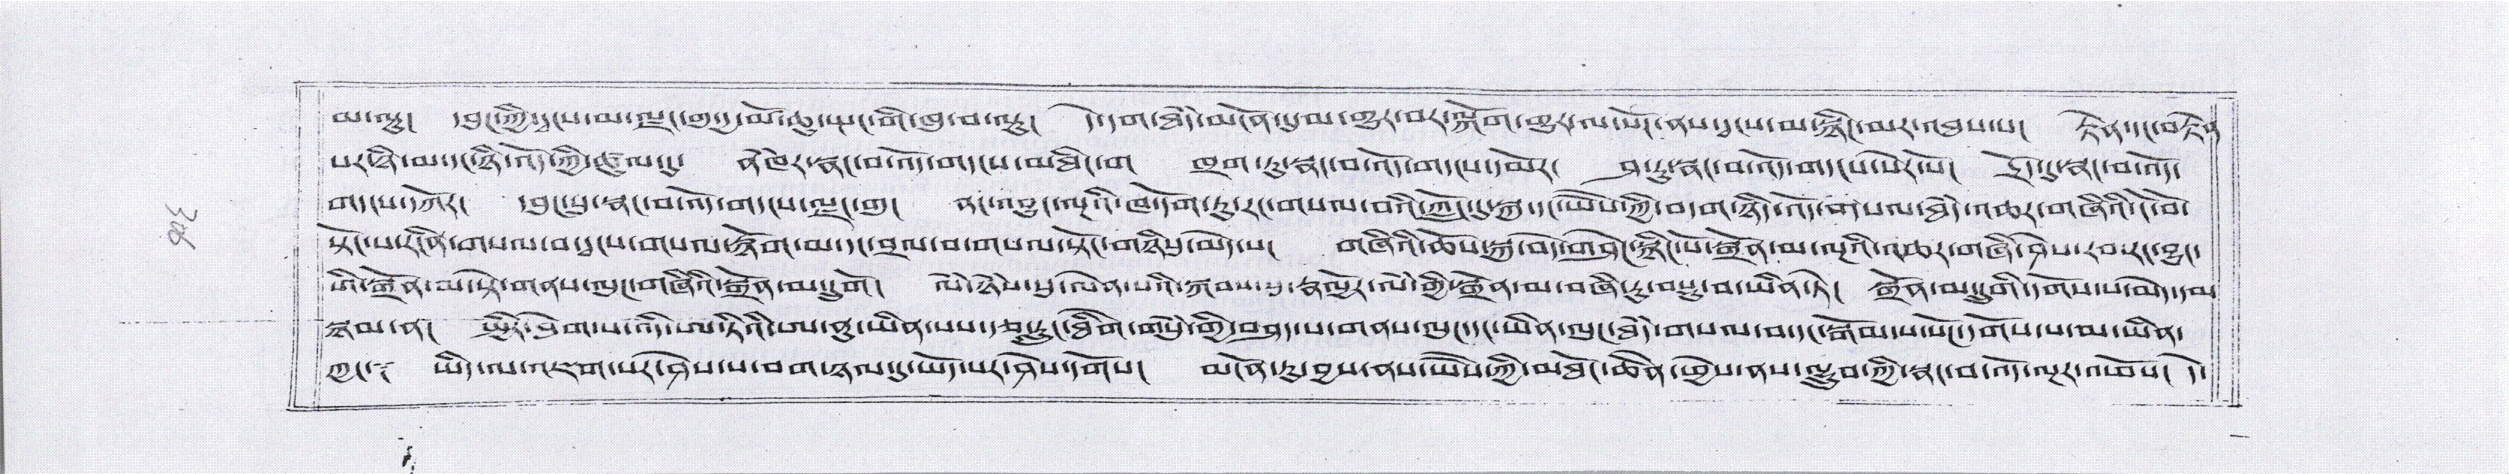མ་ལྟ་བུ། དབུགས་ཀྱི་དྭངས་མ་ལྗང་གུ་རྒྱ་མཚོ་སྤང་གི་ཁུ་བ་ལྟ་བུ། དེ་དག་ཐམས་ཅད་མངོན་དུ་མ་གྱུར་བར་ལྐོག་གྱུར་ལ་སོགས་ནས་དྭངས་མ་སྙིགས་མར་འཐས་པ། རྟེན་དང་བརྟེན་
པར་ཉི་མ་དང་ཉི་འོད་ཀྱི་ཚུལ་དུ། ནམ་མཁར་སྣང་བ་འོད་གདངས་མཐིང་ག། ཁྲག་ཏུ་སྣང་བ་འོད་གདངས་དམར་པོ། ཤ་རུ་སྣང་བ་འདོ་གདངས་སེར་པོ། དྲོད་དུ་སྣང་བ་འོད་
གདངས་དཀར་པོ། དབུགས་སུ་སྣང་བ་འོད་གདངས་ལྗང་གུ། སྣང་འབྱུང་ལྔའི་ཁ་དོག་ཏུ་རང་གསལ་བའི་ཀློང་དུ་སྐུ་དང་ཡེ་ཤེས་ཀྱི་བདག་ཉིད་འོད་གསལ་ཐམས་ཅད་འཆར་གཞིའི་ངོ་བོ་
སྟོང་པ་རང་བཞིན་གསལ་བ་དྭངས་གསལ་རྙོག་མ་དང་བྲལ་བ་གསལ་སྟོང་གཉིས་སུ་མེད་པ། གཞིའི་ཆོས་སྐུ་བདེ་གཤེགས་སྙིང་པོ་སྒྲོན་མ་ལྔའི་འཆར་གཞི་ཤེས་རབ་རང་བྱུང་
གི་སྒྲོན་མ་སྟེ་གནས་ལུགས་གཞིའི་སྒྲོན་མ་དྲུག་གོ། ལམ་ཉམས་སུ་ལེན་པའི་སྐབས་སུ་རྣལ་འབྱོར་ལམ་གྱི་སྒྲོན་མ་བཞི་རུ་བསྡུ་བ་ཡིན་ཏེ། སྒྲོན་མ་དྲུག་གི་དགོས་པ་མེད་དམ་
སྙམ་ན། སྤྱིར་ཐེག་པ་འདི་ཨ་ཏིའི་ཨ་ནུ་ཡིན་པས་རྩ་རླུང་ཐིག་ལེ་གསུམ་གྱི་བཤད་པ་གནས་ལུགས་དང་ཡིན་ལུགས་ཐམས་ཅད་གསལ་བ་དང་སྒོམ་པ་སོགས་དགོས་པ་མ་ཡིན་
ཀྱང། ཡིད་ལ་འཇག་པར་ཤེས་པ་བག་ཉལ་དུ་ཡོད་པར་ཤེས་དགོས། མངོན་ཏུ་བྱས་ནས་ཡེ་ཤེས་ཀྱི་མཐོང་ཆེན་པོ་ཕྱེས་ནས་ལྷུན་གྲུབ་ཀྱི་སྣང་བ་འོད་ལྔར་འཕོས། དེ་